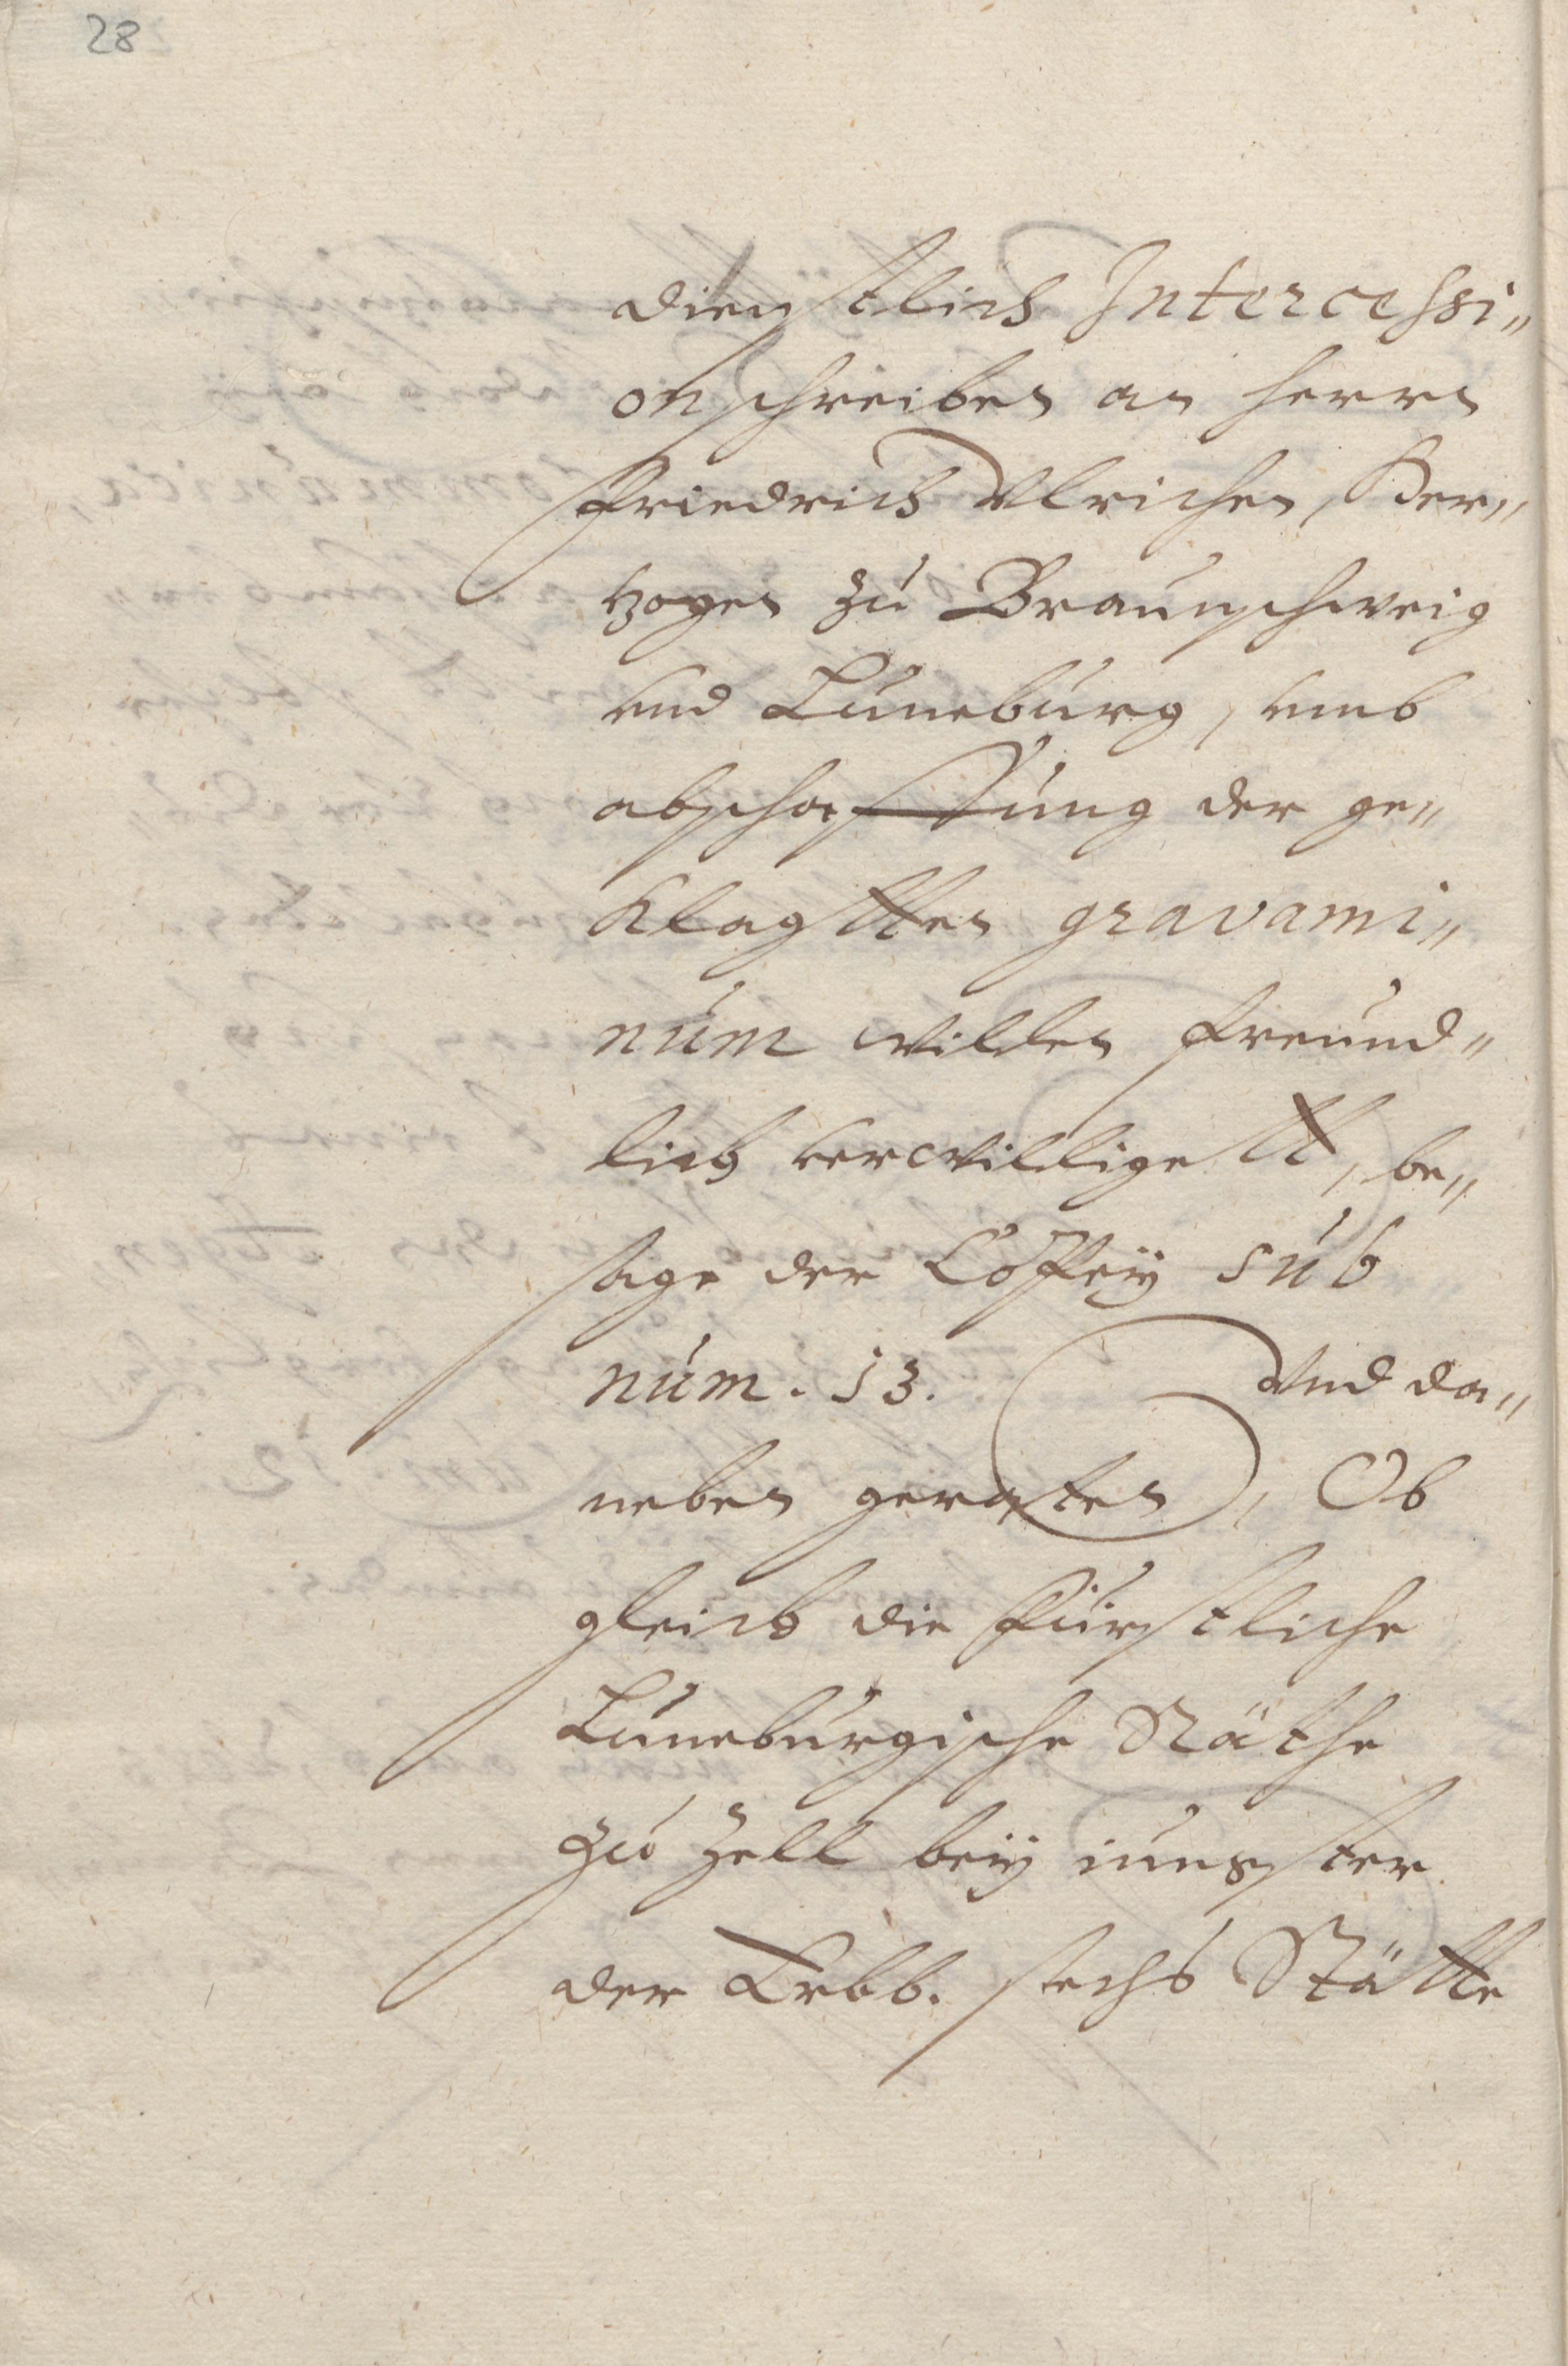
dienstlich Intercessi¬
onschreiben an herrn
Friedrich Vlrichen, Her¬
tzogen zu Braunschweig
vnd Luneburg, vmb
abschaffung der ge¬
klagtten gravami¬
num willen freund¬
lich verwilligett, be¬
sage der Copeij sub
num. 13. Vnd da¬
neben geraten, Ob
gleich die Fürstliche
Luneburgische Räthe
zu zell beij iungster
der Erbb. sechs Stätte
